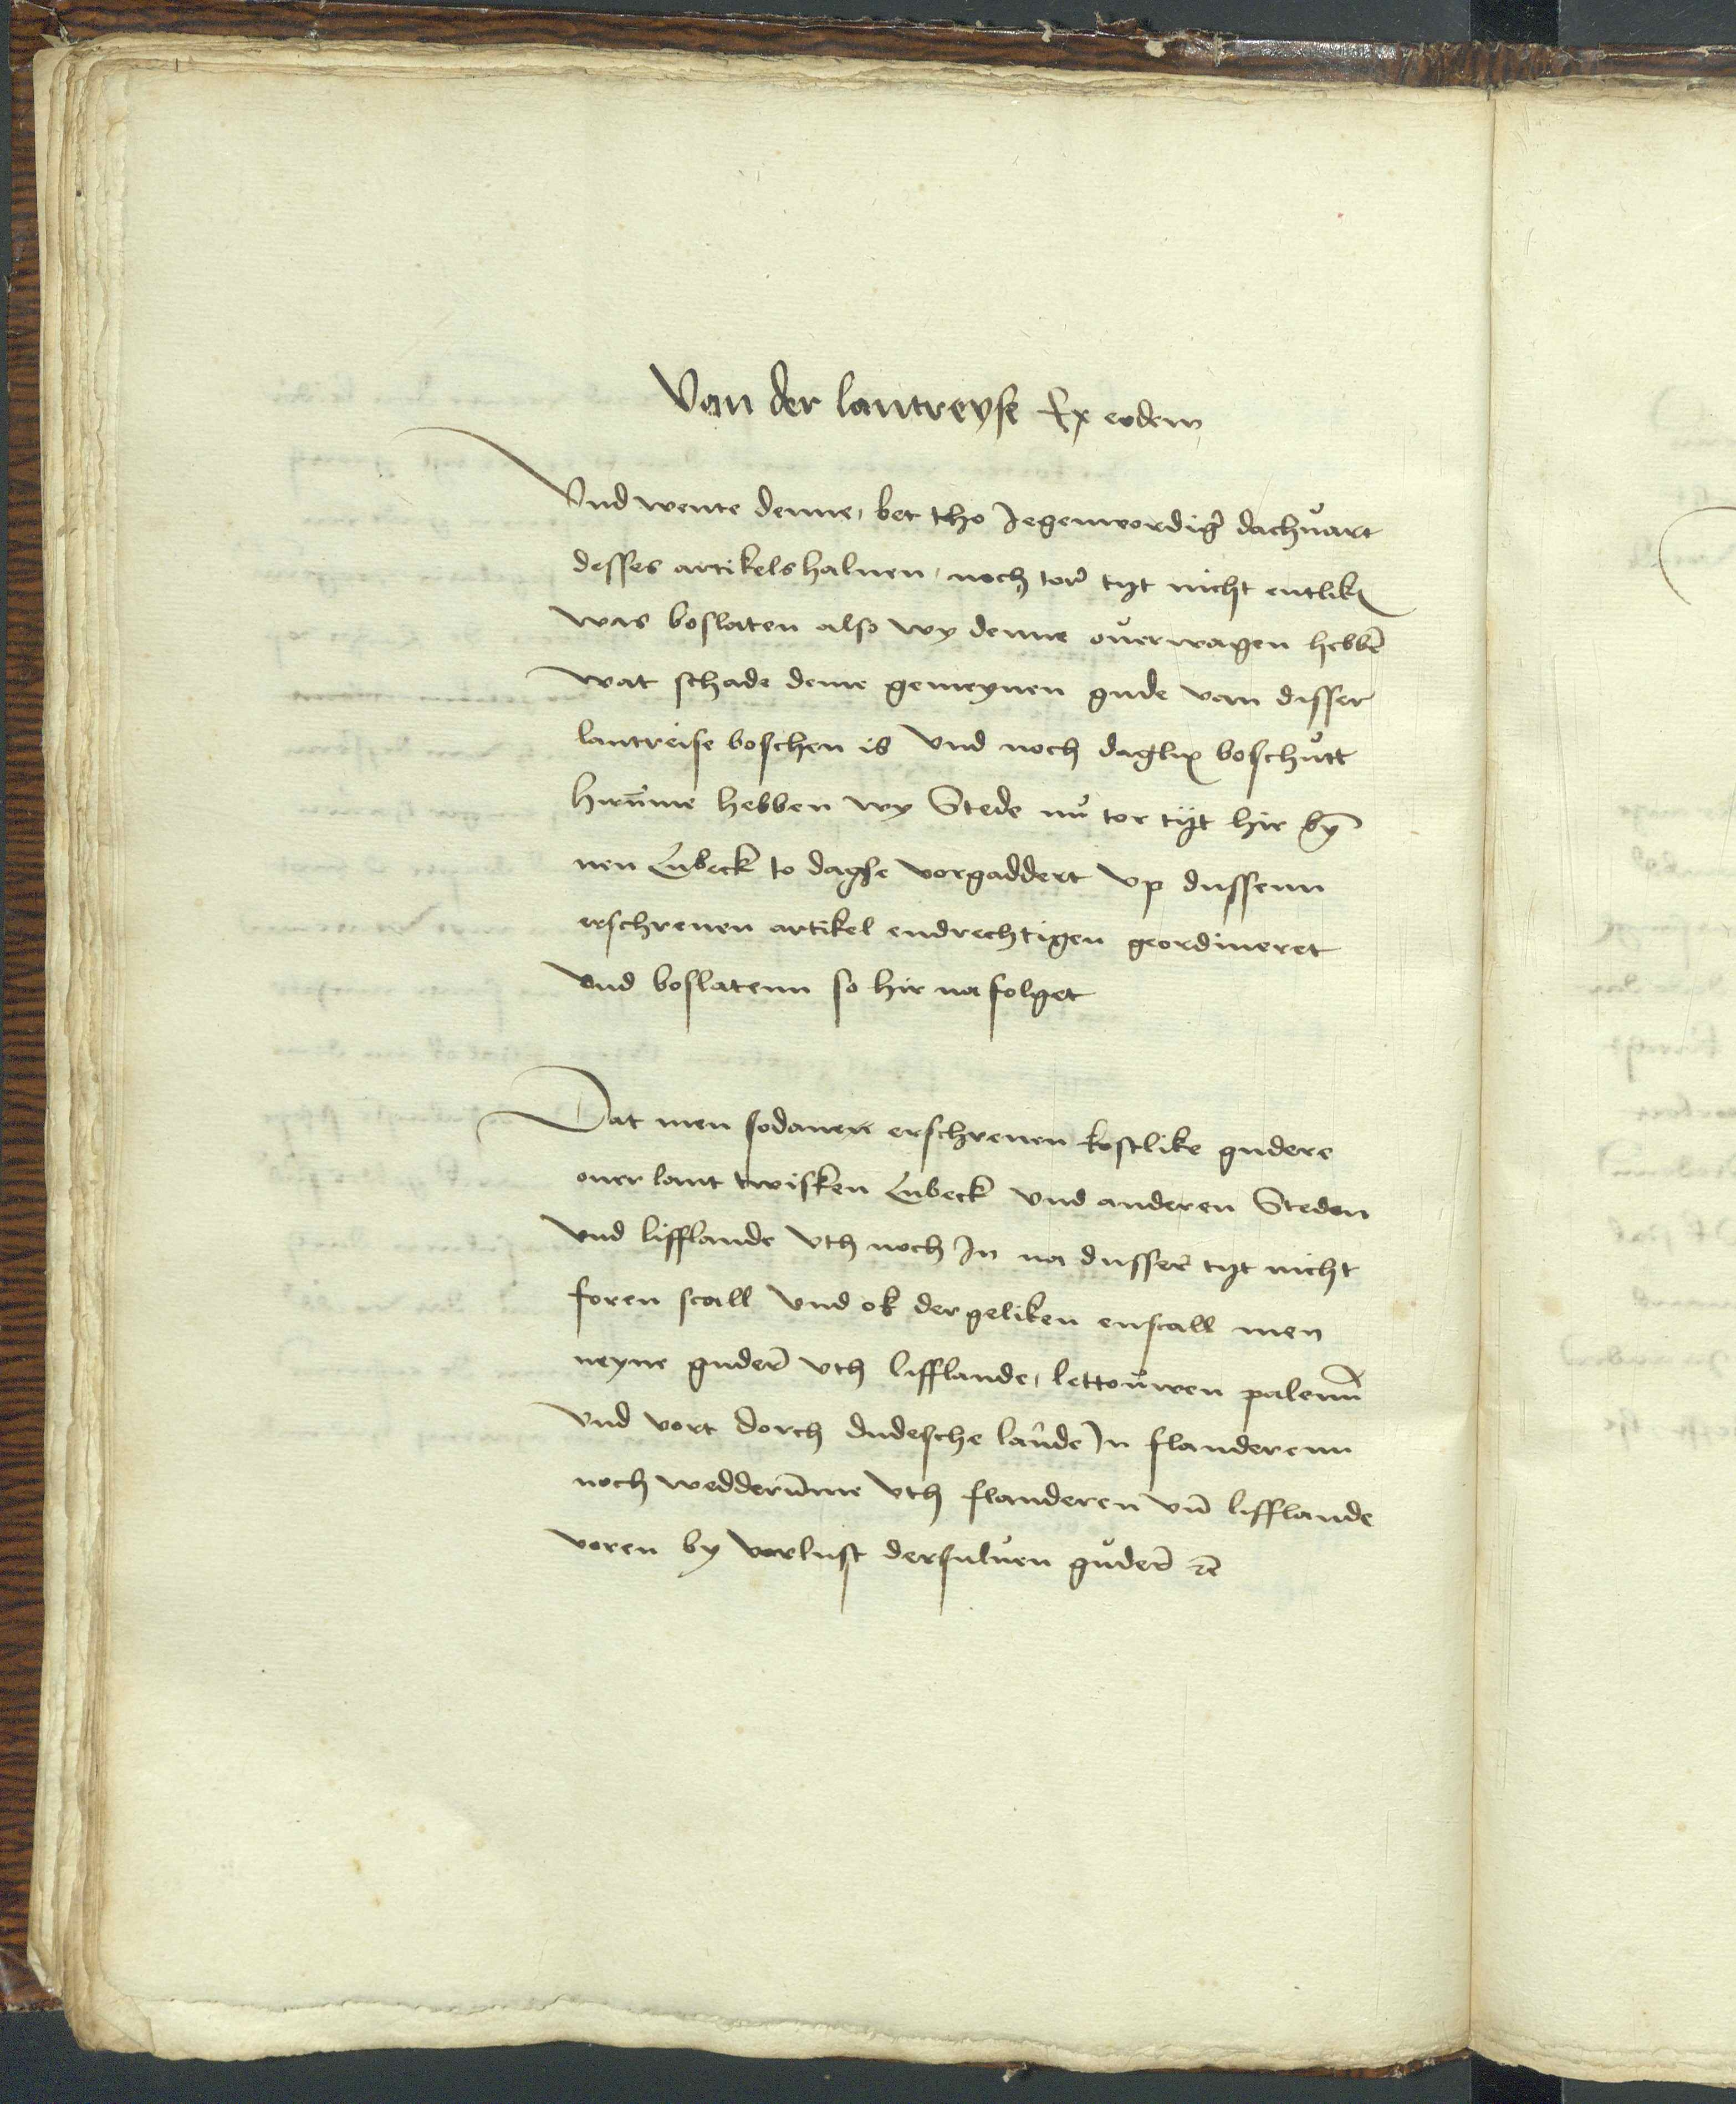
Van der lantreyse Ex eodem
Vnd wente denne, bet tho Jegenwordiger dachuart
desses artikels haluen noch tor tyt nicht entliken
was boslaten also wy denne ouerwagen hebben
wat schade deme gemeynen gude van desser
lantreise boschen is vnd noch daghe boschutt
hirumme hebben wy Stede nu tor tijt hir byn¬
nen Lubeck to daghe vorgaddert vp dussenn
erschreuen artikel endrechtigen geordineret
vnd boslatenn so hir nafolget
Dat men sodanen erschreuen kostlike gudere
ouer lant twisken Lubeck vnd anderenn Steden
vnd lifflande vth noch Jn na dussen tyt nicht
foren scall vnd ok der geliken enscall men
meyne guder vth lifflande, lettouwen palenn
vnd vort dorch dudesche lande Jn flanderenn
noch wedderumme vth flanderen vnde lifflande
voren by vorlust dersuluen guder etc
